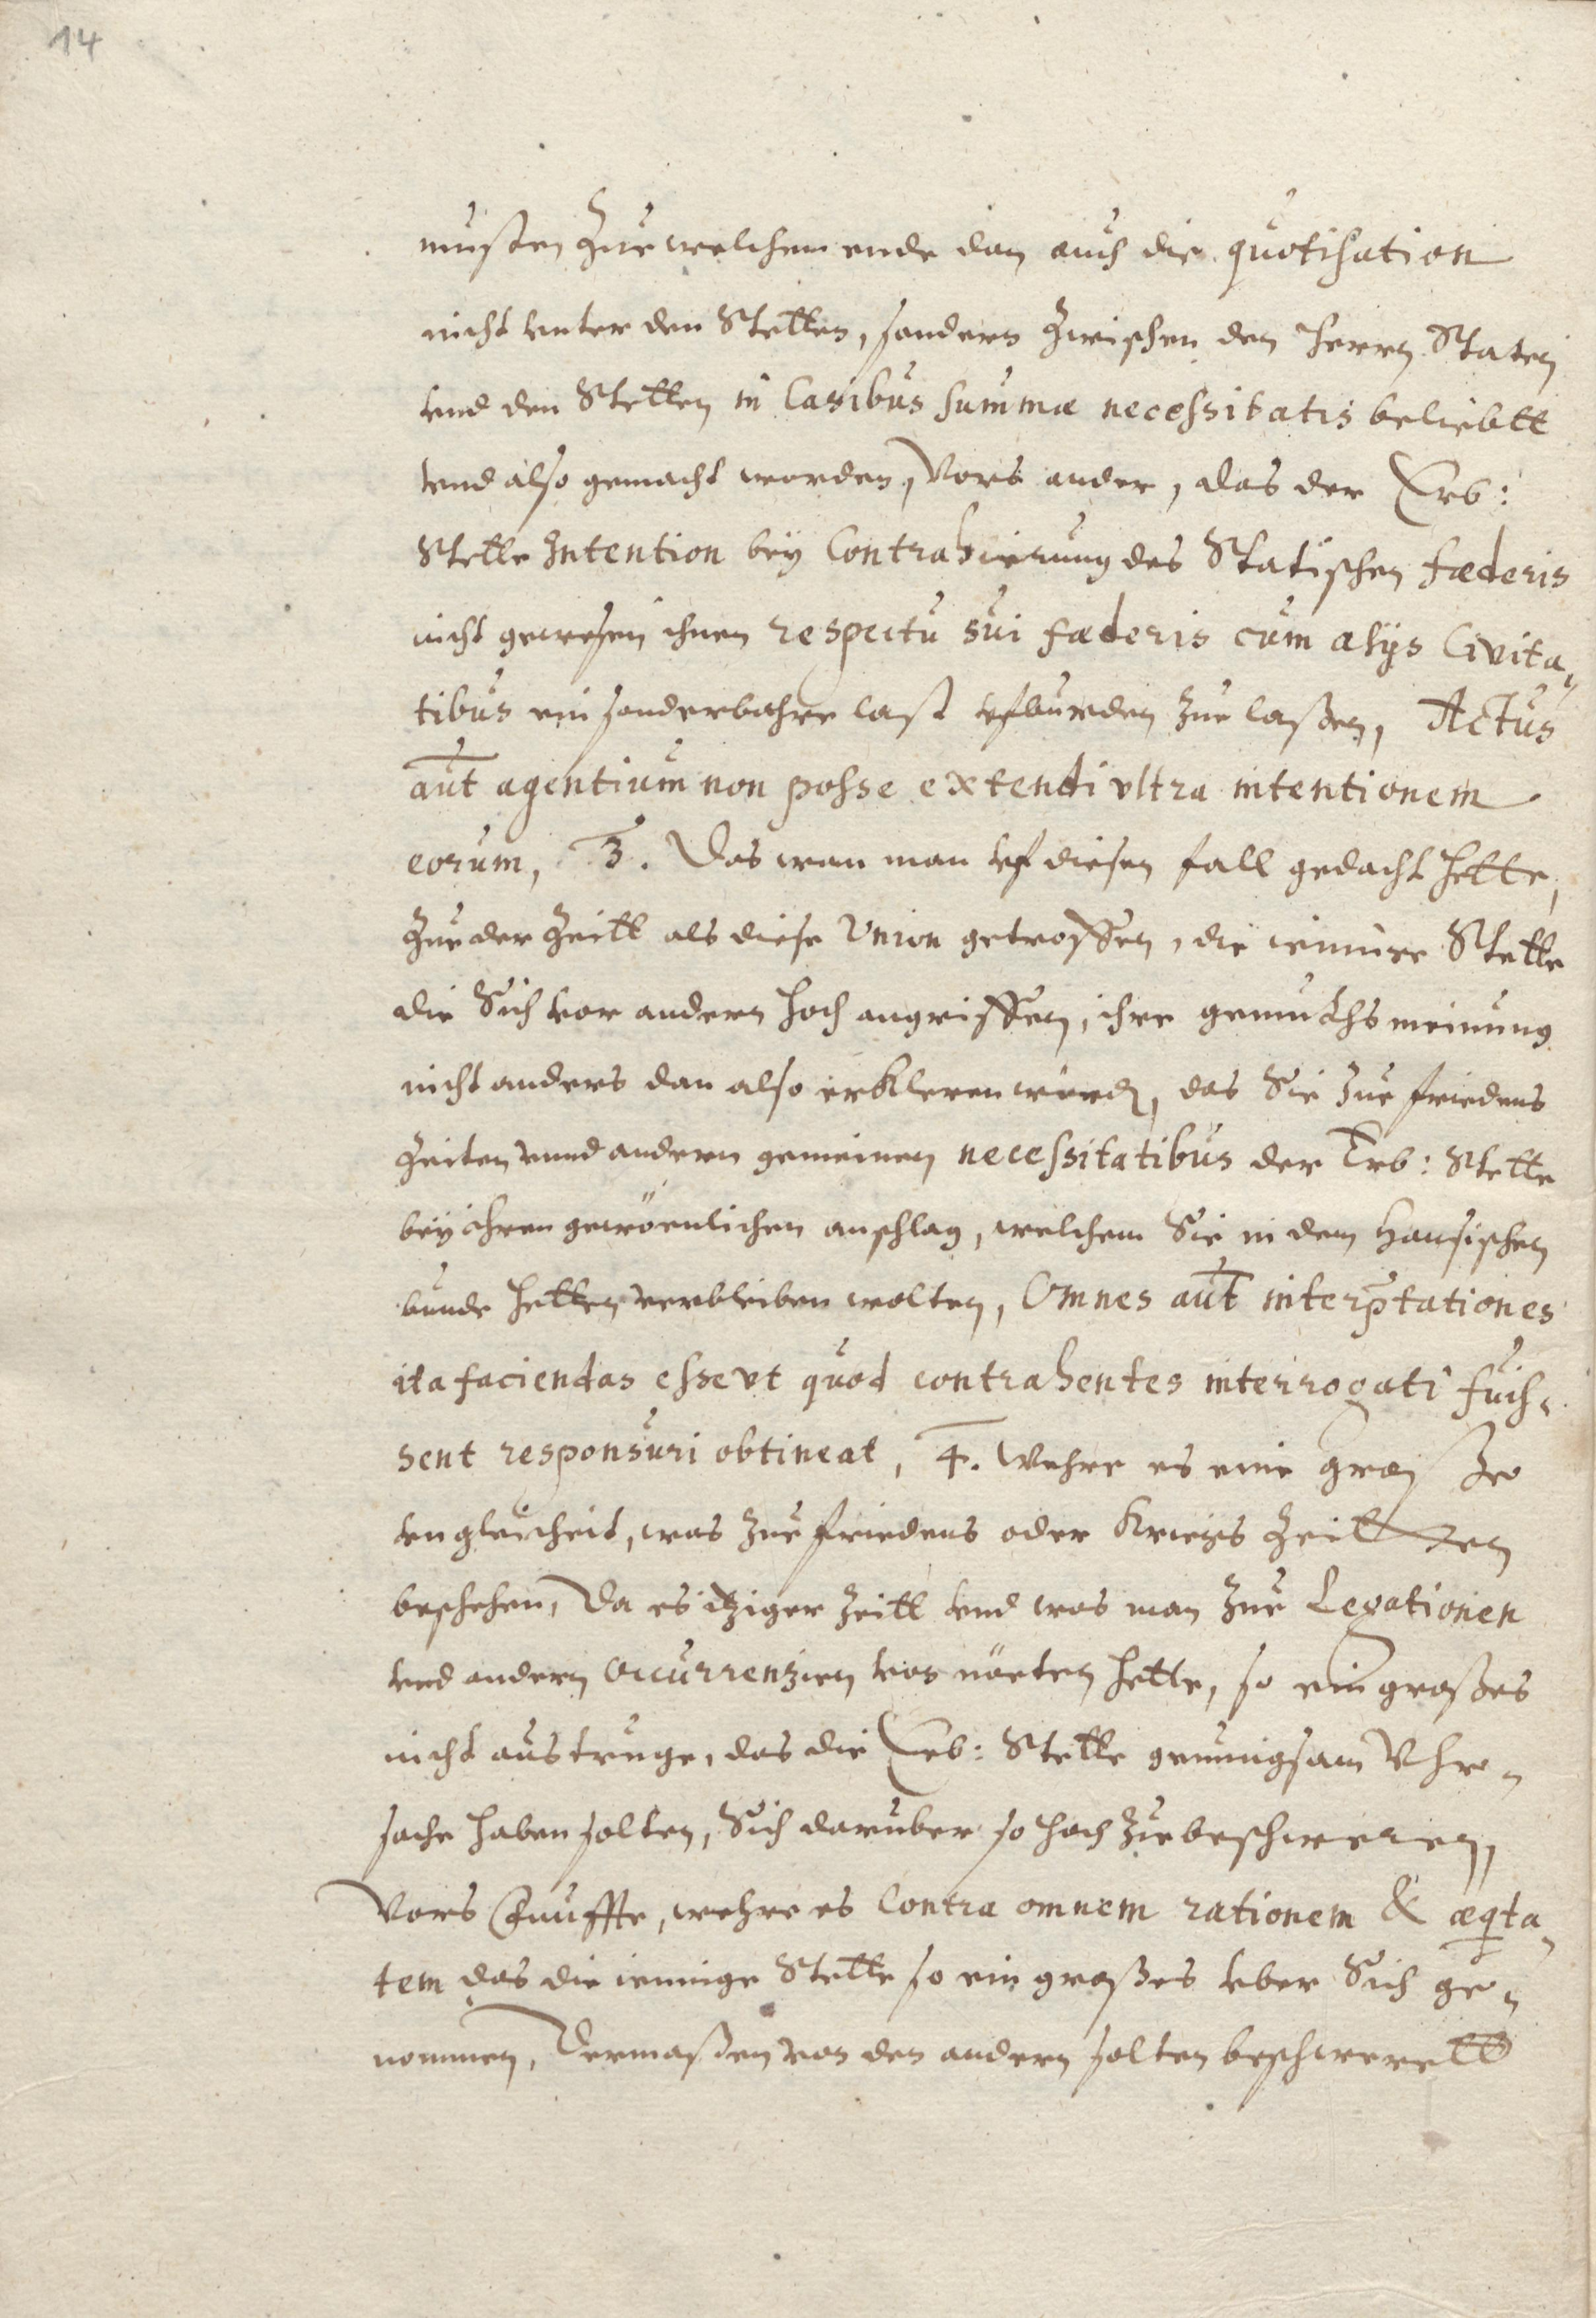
musten zue welchem ende dan auch die quotisation
nicht vnter den Stetten, sondern zwischen den herrn Staten
vnd den Stetten in Casibus Summae necessitatis beliebtt
vnd also gemacht worden, Vors ander, das der Erb:
Stette Intention beij Contrahierung des Statischen foederis
nicht gewesen ihren respectu sui foederis cum alijs Civita¬
tibus ein sonderbahre last vfburden zue laßen, Actus
aut agentium non posse extendi vltra intentionem
eorum, 3. Das wen man vf diesen fall gedacht hatte,
zue der zeitt als diese Union getroffen, die iennige Stette
die sich vor andern hoch angriffen, ihre gemuths meinung
nicht anders dan also erkleren würden, das Sie zue friedens
zeiten vnnd anderen gemeinen necessitatibus der Erb: Stette
beij ihren gewönlichen anschlag, welchen Sie in dem Hansischen
Bunde hetten verbleiben wolten, Omnes aut interpretationes
ita faciendas esse vt quod contrahentes interrogati fuis¬
sent responsuri obtineat, 4. Wehre es eine große
vngleicheit, was zue friedens oder Kriegs Zeitten
beschehen, da es itziger zeitt vnd was man zue Legationen
vnd andern Ocurrenzien von nöeten hette, so ein großes
nicht austruge, das die Erb: Stette gennugsam Vhr¬
sache haben solten, Sich daruber so hoch zue beschweren,
vors Funffte, wehre es contra omnem rationem & aequita¬
tem das die iennige Stette so ein großes vber Sich ge¬
nommen, dermaßen von den andern solten beschwerett
